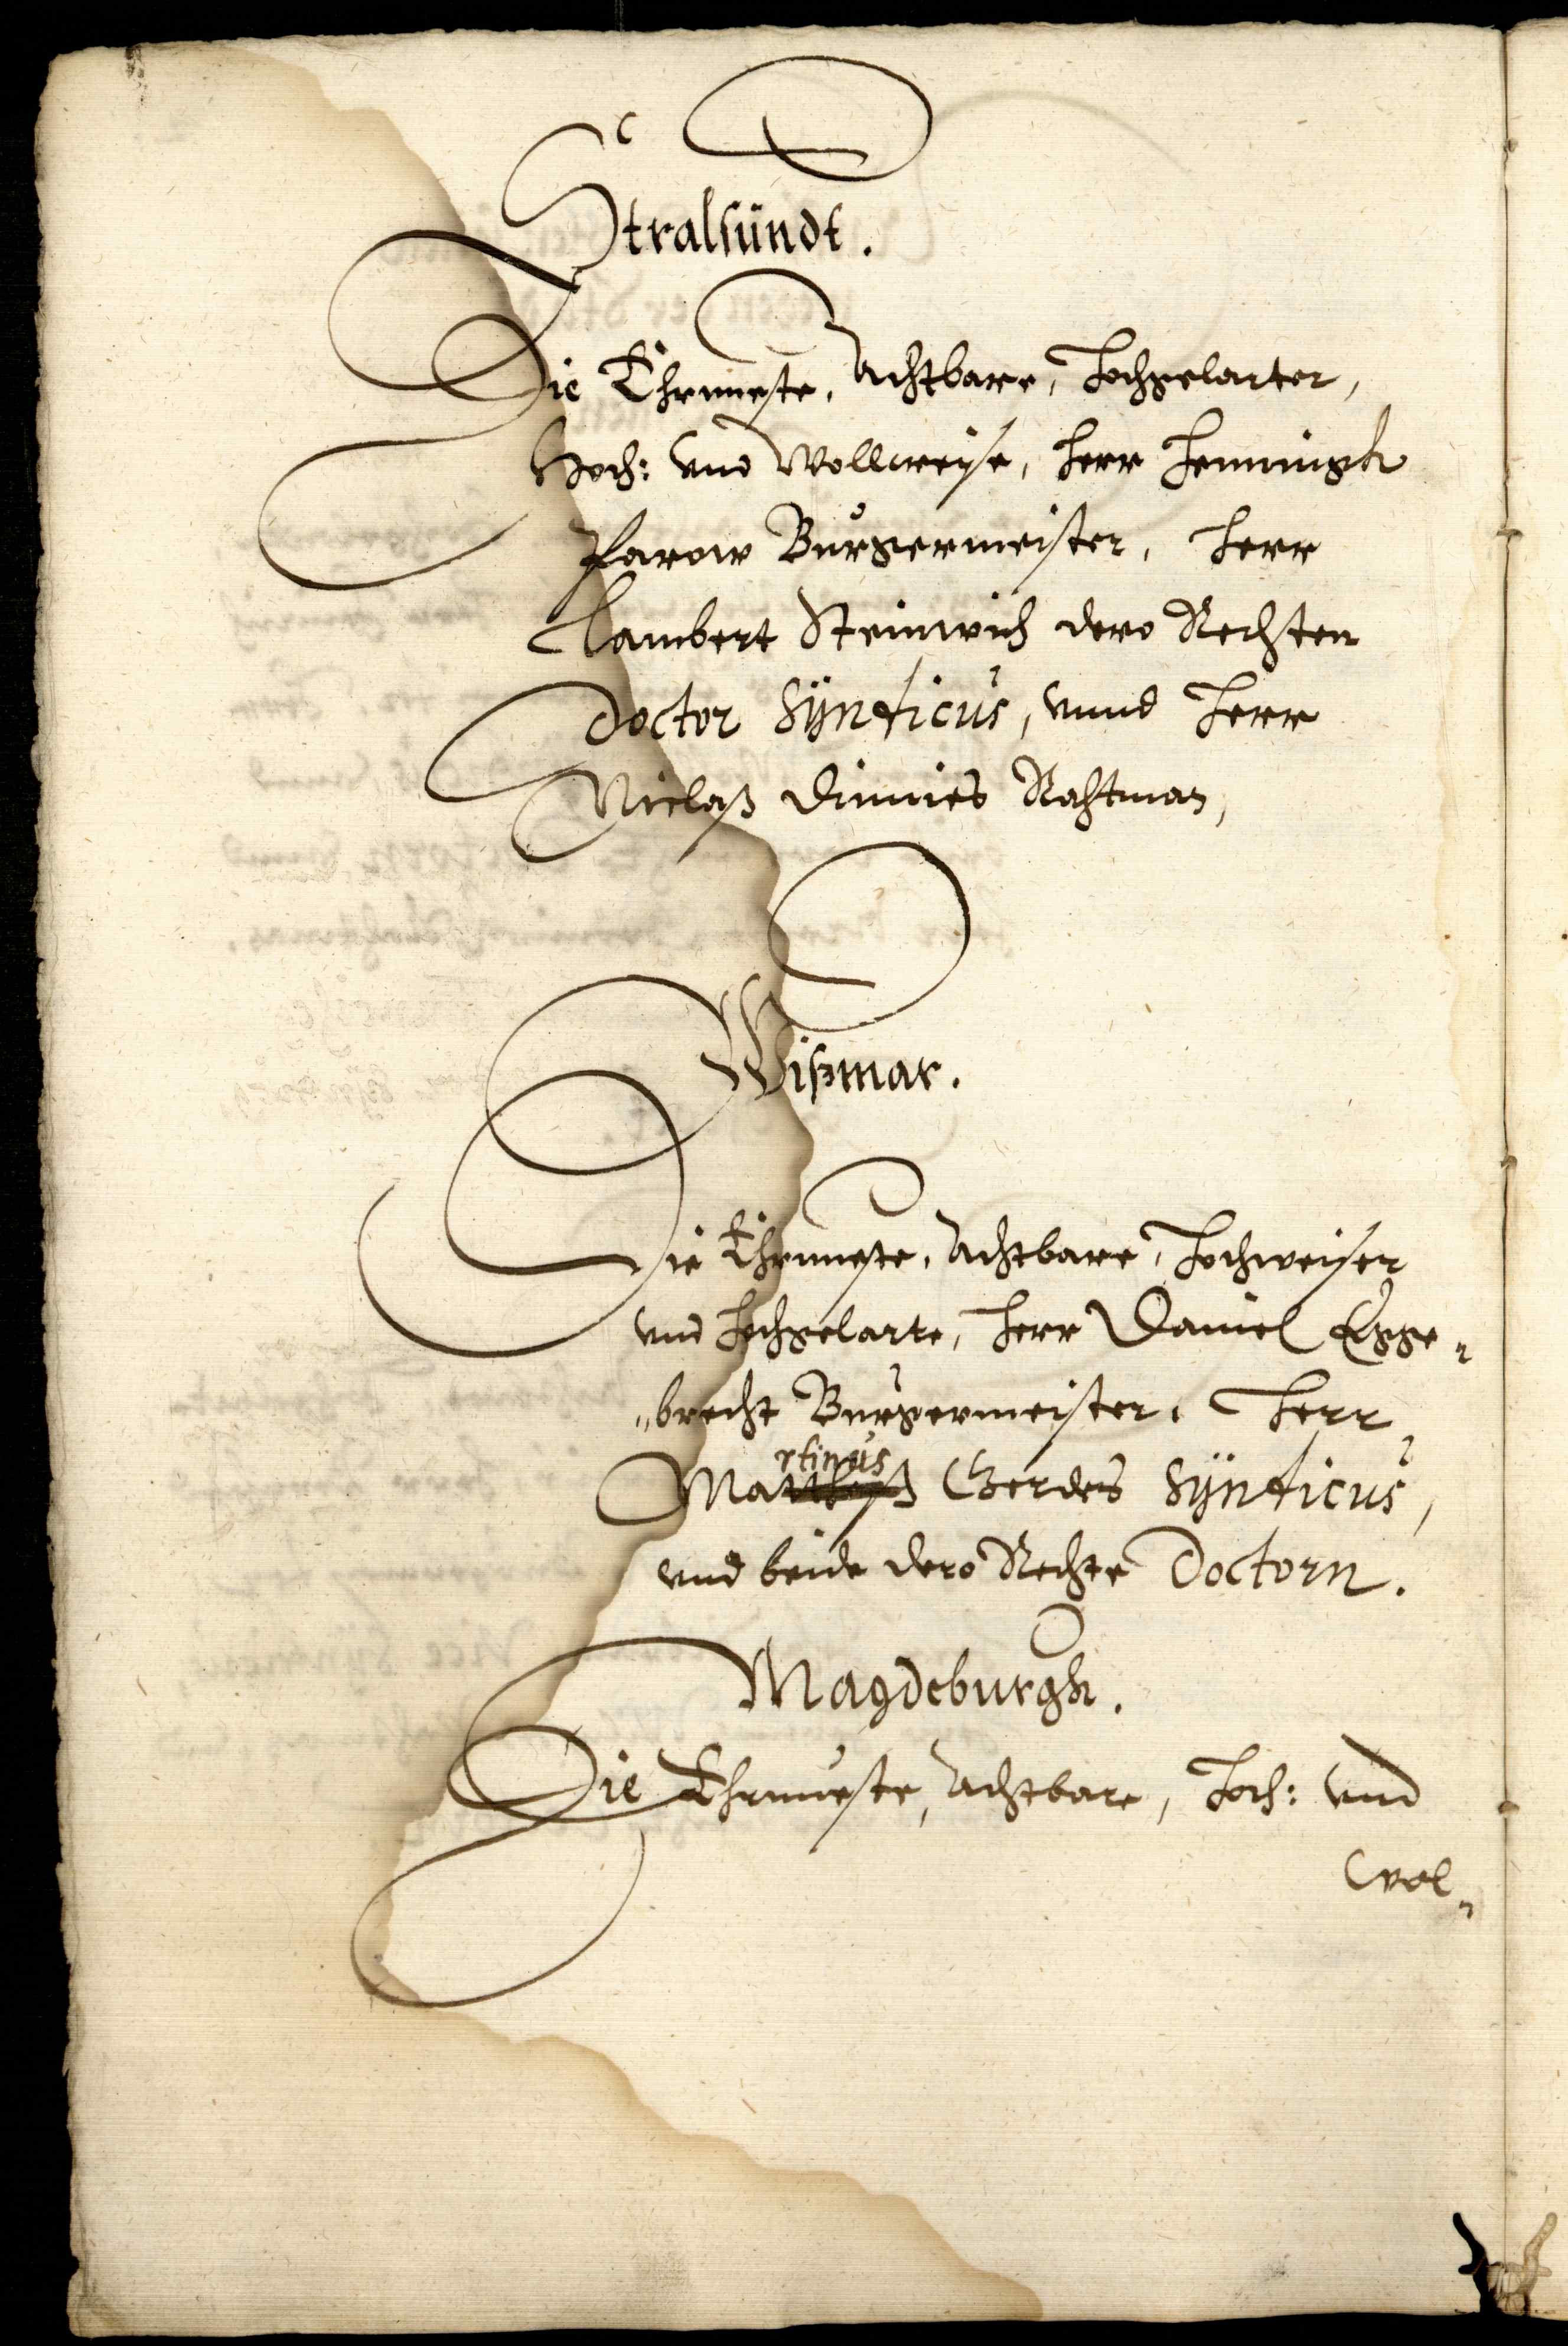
Stralsundt.
Die Ehrnueste, Achtbare, Hochgelarte,
Hoch: vnd Wollweise, herr Henningh
Parow Burgermeister, herr
Lambert Steinwich dero Rechten
doctor Sÿnticus, vnnd herr
Niclaß dinnies Rahtman.
Wißmar.
Die Ehrnueste, Achtbare, Hochweise
vnd Hochgelarte, herr Daniel Egge¬
brecht Burgermeister, Herr
Martinus Gerdeß Sÿnticus,
vnd beide dero Rechte Doctorn.
Magdeburgh.
Die Ehrnueste, Achtbare, Hoch: vnd
wol¬
